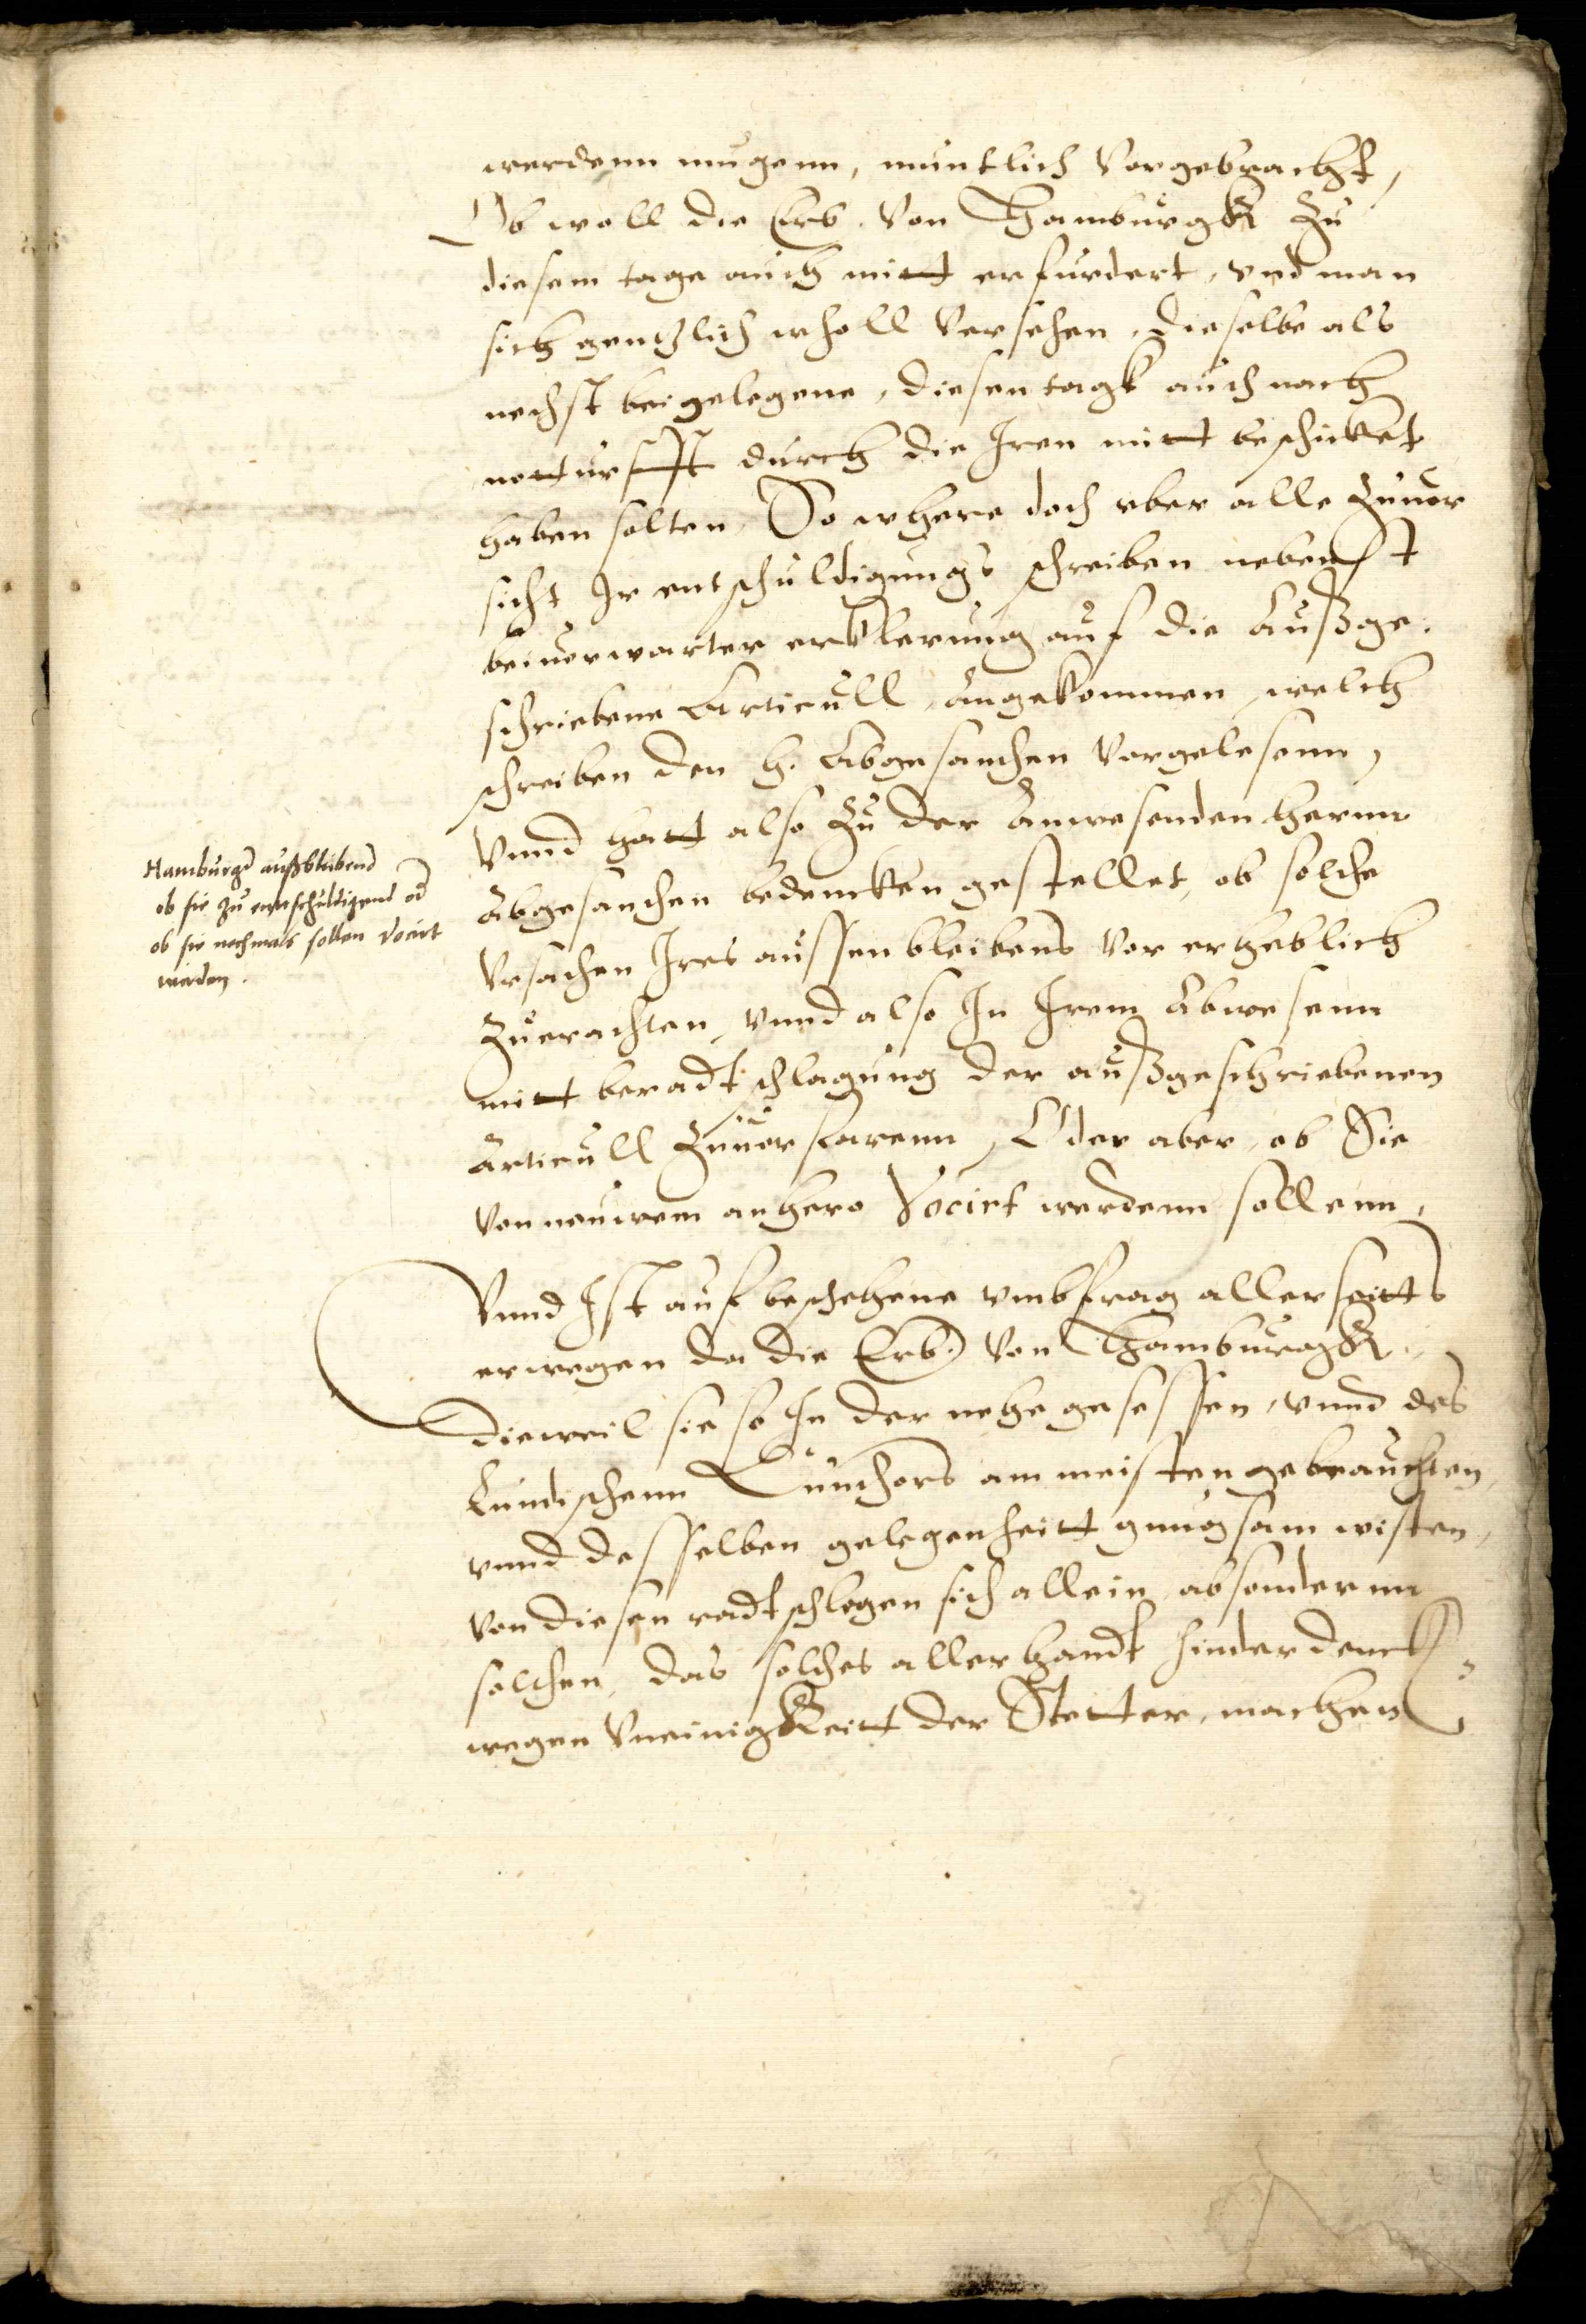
Hamburger außbleibend
ob sie zu enttschuldigend oder
ob sie nochmals sollen Vocirt
werden.
werdenn mugenn, muntlich vorgebracht,
Ob woll die Erb. von Hamburgk zu
diesem tage auch mitt erfurdert, vnd man
sich gentzlich wholl versehen, dieselbe als
nechst beigelegene, diesen tagk auch nach
notturftt durch die Jren mitt beschicket
haben solten, So whern doch vber alle zuuor
sicht Jr entschuldigungs schreiben nebenst
beiuorwarter erklerung auf die Außge¬
schriebene Articull angekommen, welch
schreiben den h. Abgesanthen vorgelesenn,
und hatt also zu der anwesenden hernn
abgesanthen bedencken gestellet, ob solche
Vrsachen Jres aussenbleibens vor erheblich
zuerachten vnnd also Jn Jrem abwesenn
mitt beradtschlagung der außgeschriebenen
articull zuverfarenn, Oder aber ob Sie
von neuwem anhero Vocirt werdenn sollenn,
Vnnd Jst auf beschehene umbfrag aller seitts
erwegen da die Erb. von Hamburgk,
dieweil sie so Jn der nehe gesessen, vnnd des
Lundischenn Cunthors am meisten gebrauchten,
vnd desselben gelegenheitt gnugsam wisten,
von diesen radtschlegen sich allein absondernn
solthen, das solches allerhandt hinder dencken,
wegen Vneinigkeitt der Stetter, machen
